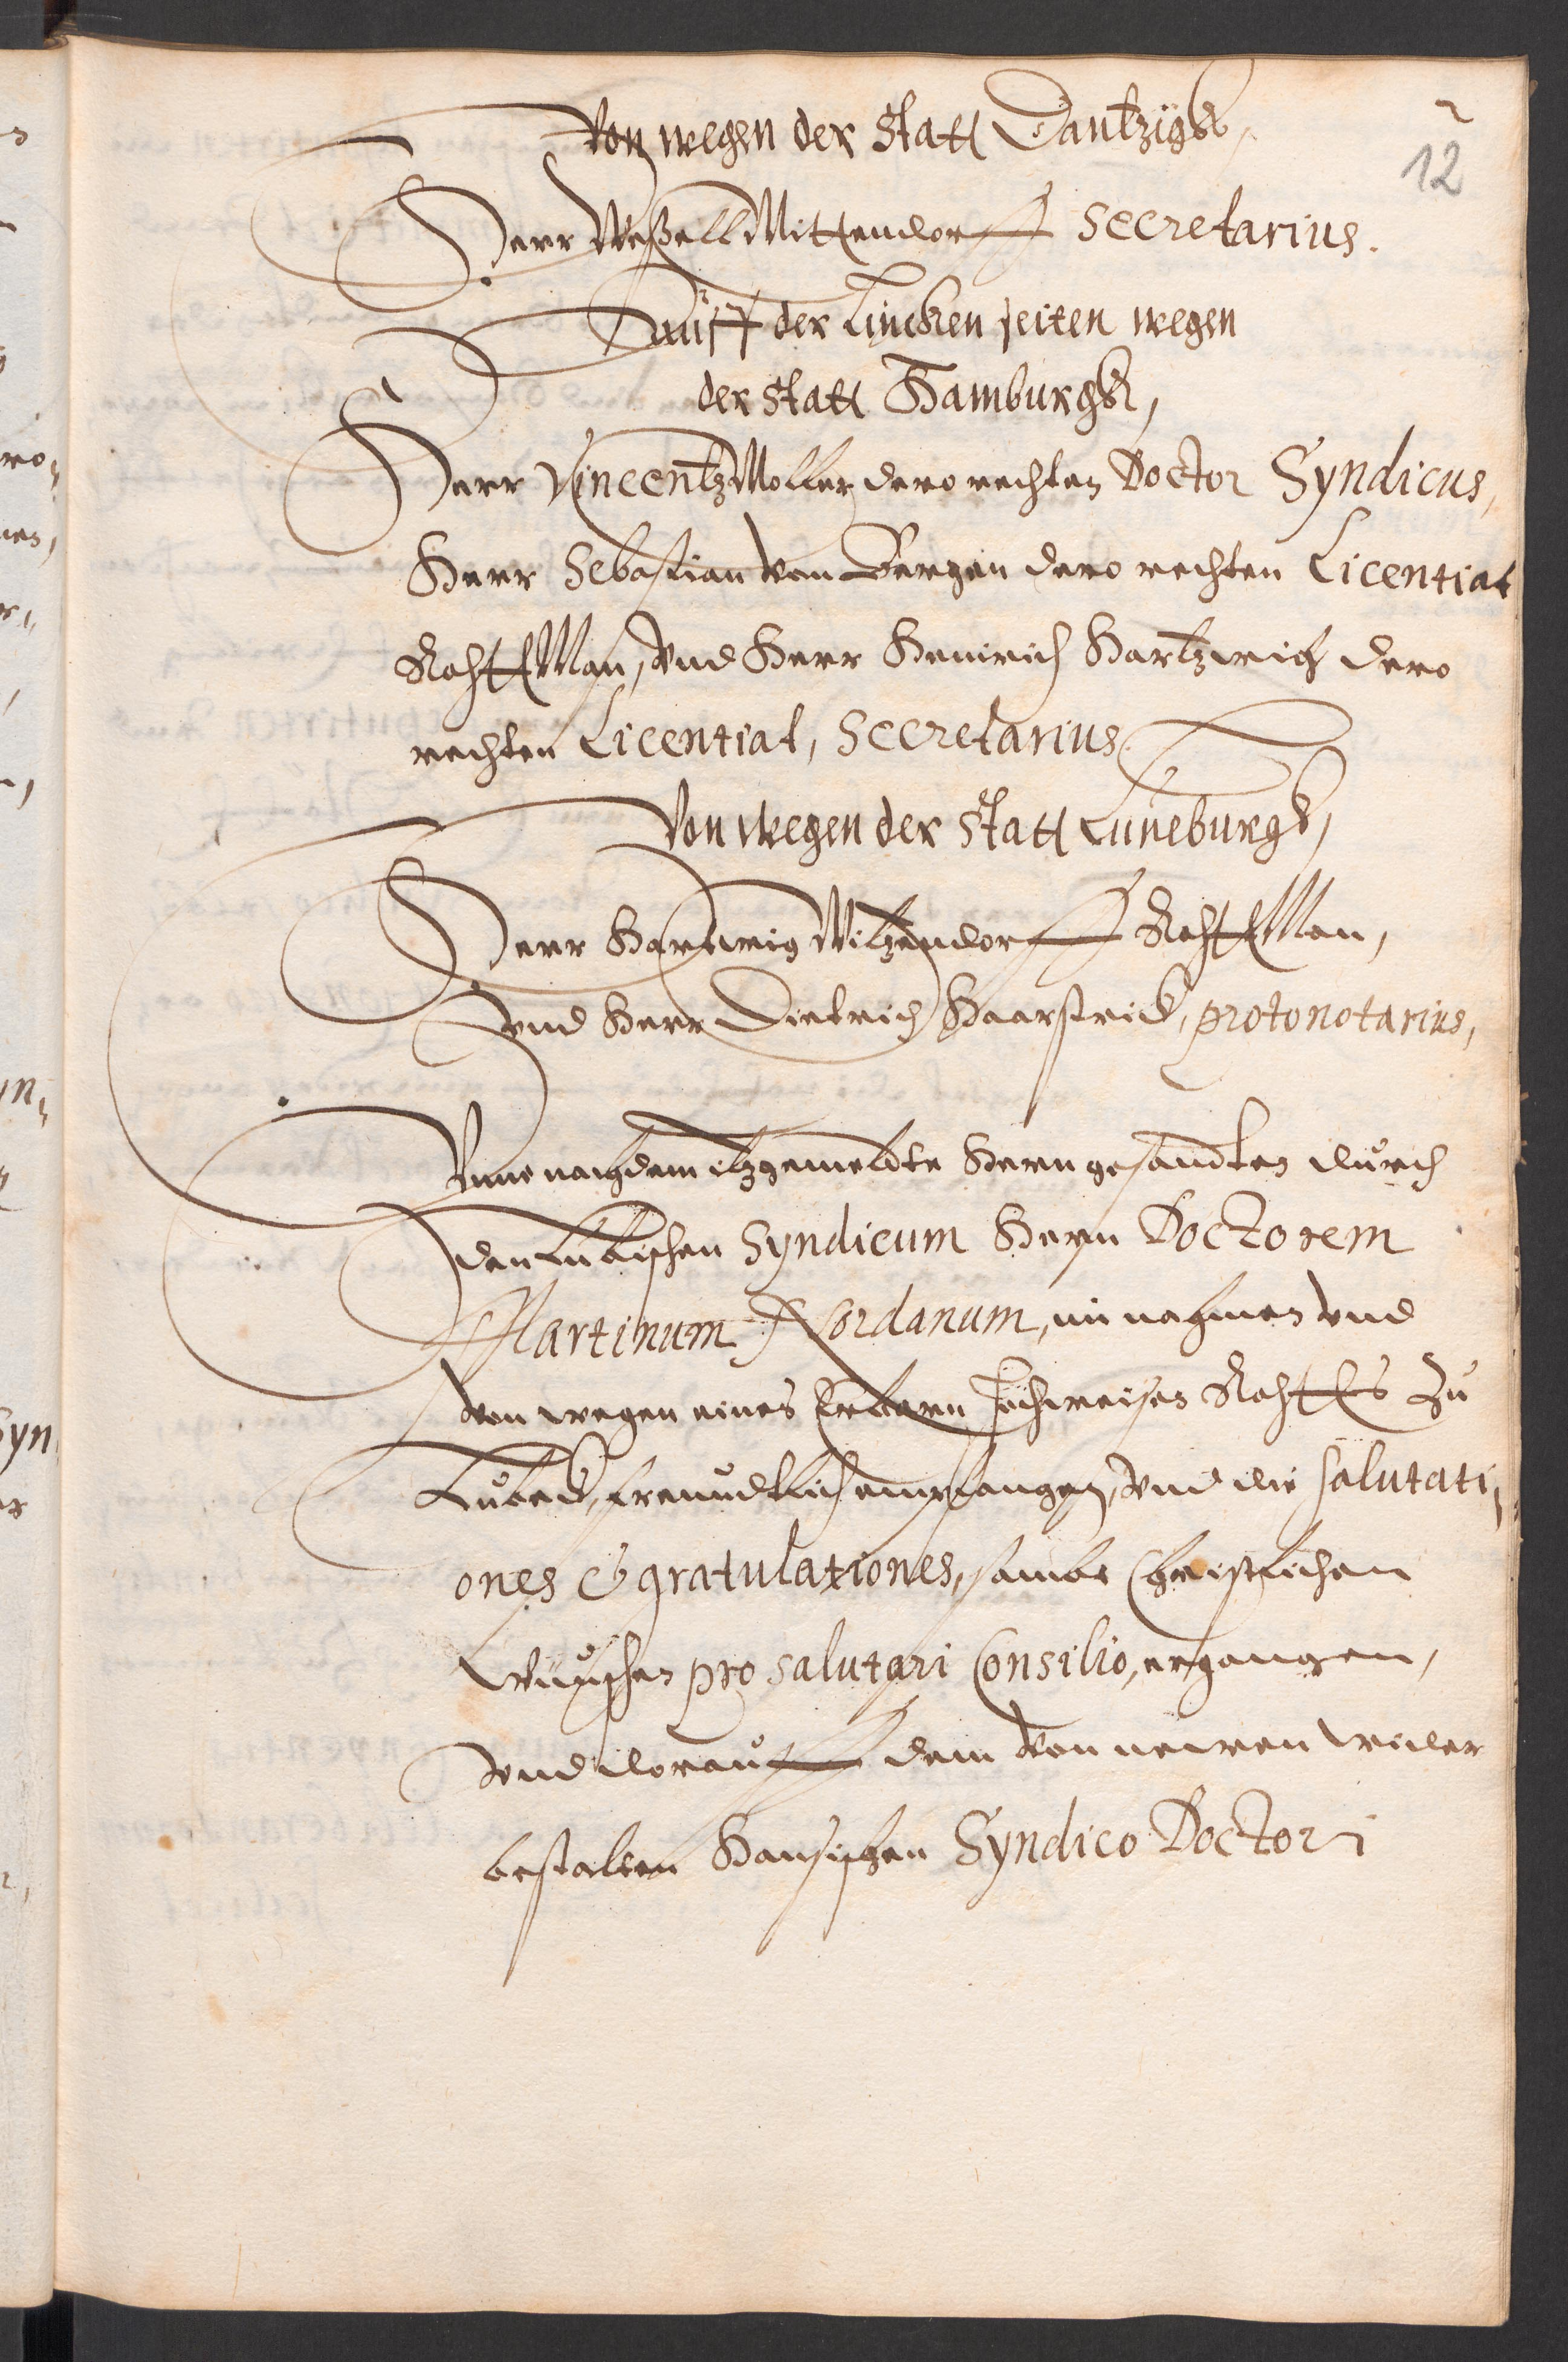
Von wegen der statt Dantzigk,
Herr Weßell Mittendorff secretarius.
Auff der Lincken seiten wegen
der statt Hamburgk,
Herr Vincentz Moller dero rechten Doctor Syndicus,
Herr Sebastian von Bergen dero rechten Licentiat
Rahttman, vnd Herr Heinrich Hartzwich dero
rechten Licentiat, secretarius.
Von wegen der statt Luneburgk,
Herr Hartwig Witzendorff Rahttman,
vnd Herr Dietrich Haarstrick, protonotarius,
Vnno nachdem itzgemeldte Hern gesandten durch
den Lubischen syndicum Hern Doctorem
Martinum Nordanum, im nahmen vnd
von wegen eines Erbarn hochweisen Rahtts zu
Lubeck freundtlich empfangen, vnd die salutati¬
ones & gratulationes, sambt Christlichen
wünschen pro salutari Consilio, ergangen,
vnd dorauff dem von newen wider
bestalten Hansischen Syndico Doctori
